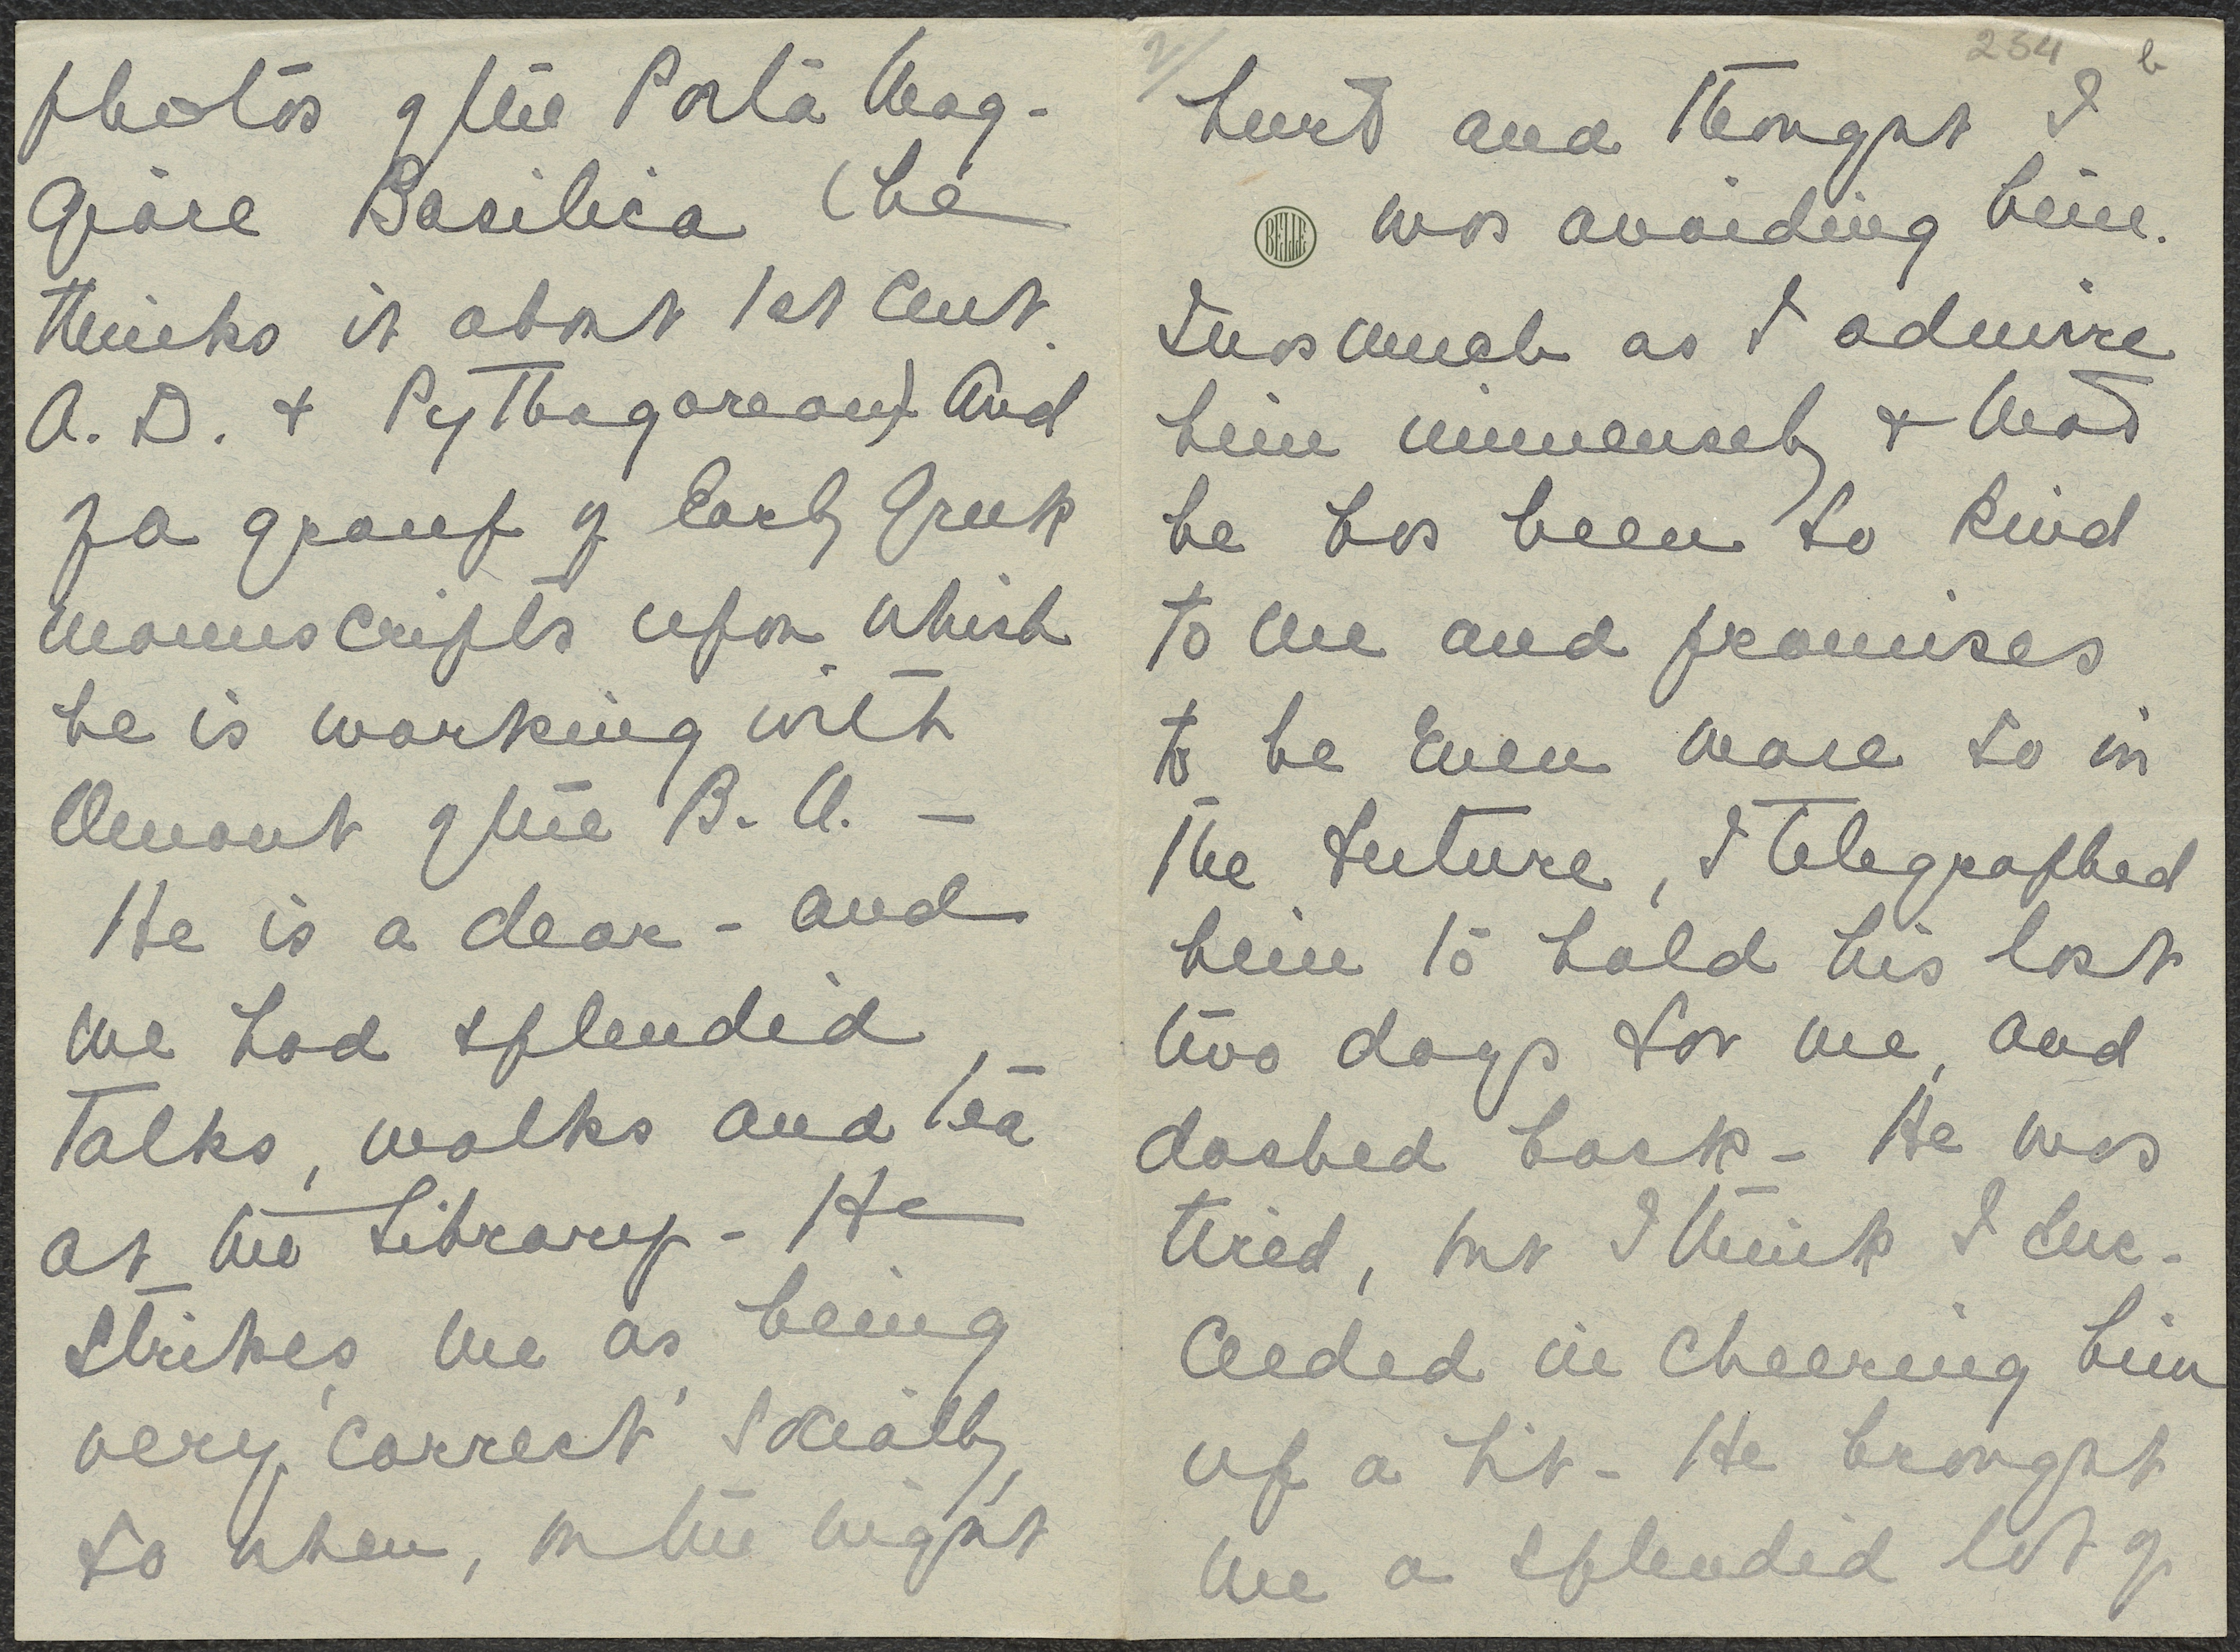2/
hurt and thought I was avoiding him. In as much as I admire him immensely & that he has been so kind to me and promises to be even more so in the future, I telegraphed him to hold his last two days for me, and dashed back – He was tired, but I think I succeeded in cheering him up a bit – He brought me a splendid lot of
photos of the Porta Maggiore Basilica (he thinks it about 1st cent. A.D. & Pythagorean) and of a group of Early Greek manuscripts upon which he is working with Omont of the B. N. –
He is a dear – and we had splendid talks, walks and tea at the Library – He strikes me as being very ‘correct’ socially, so when, on the night